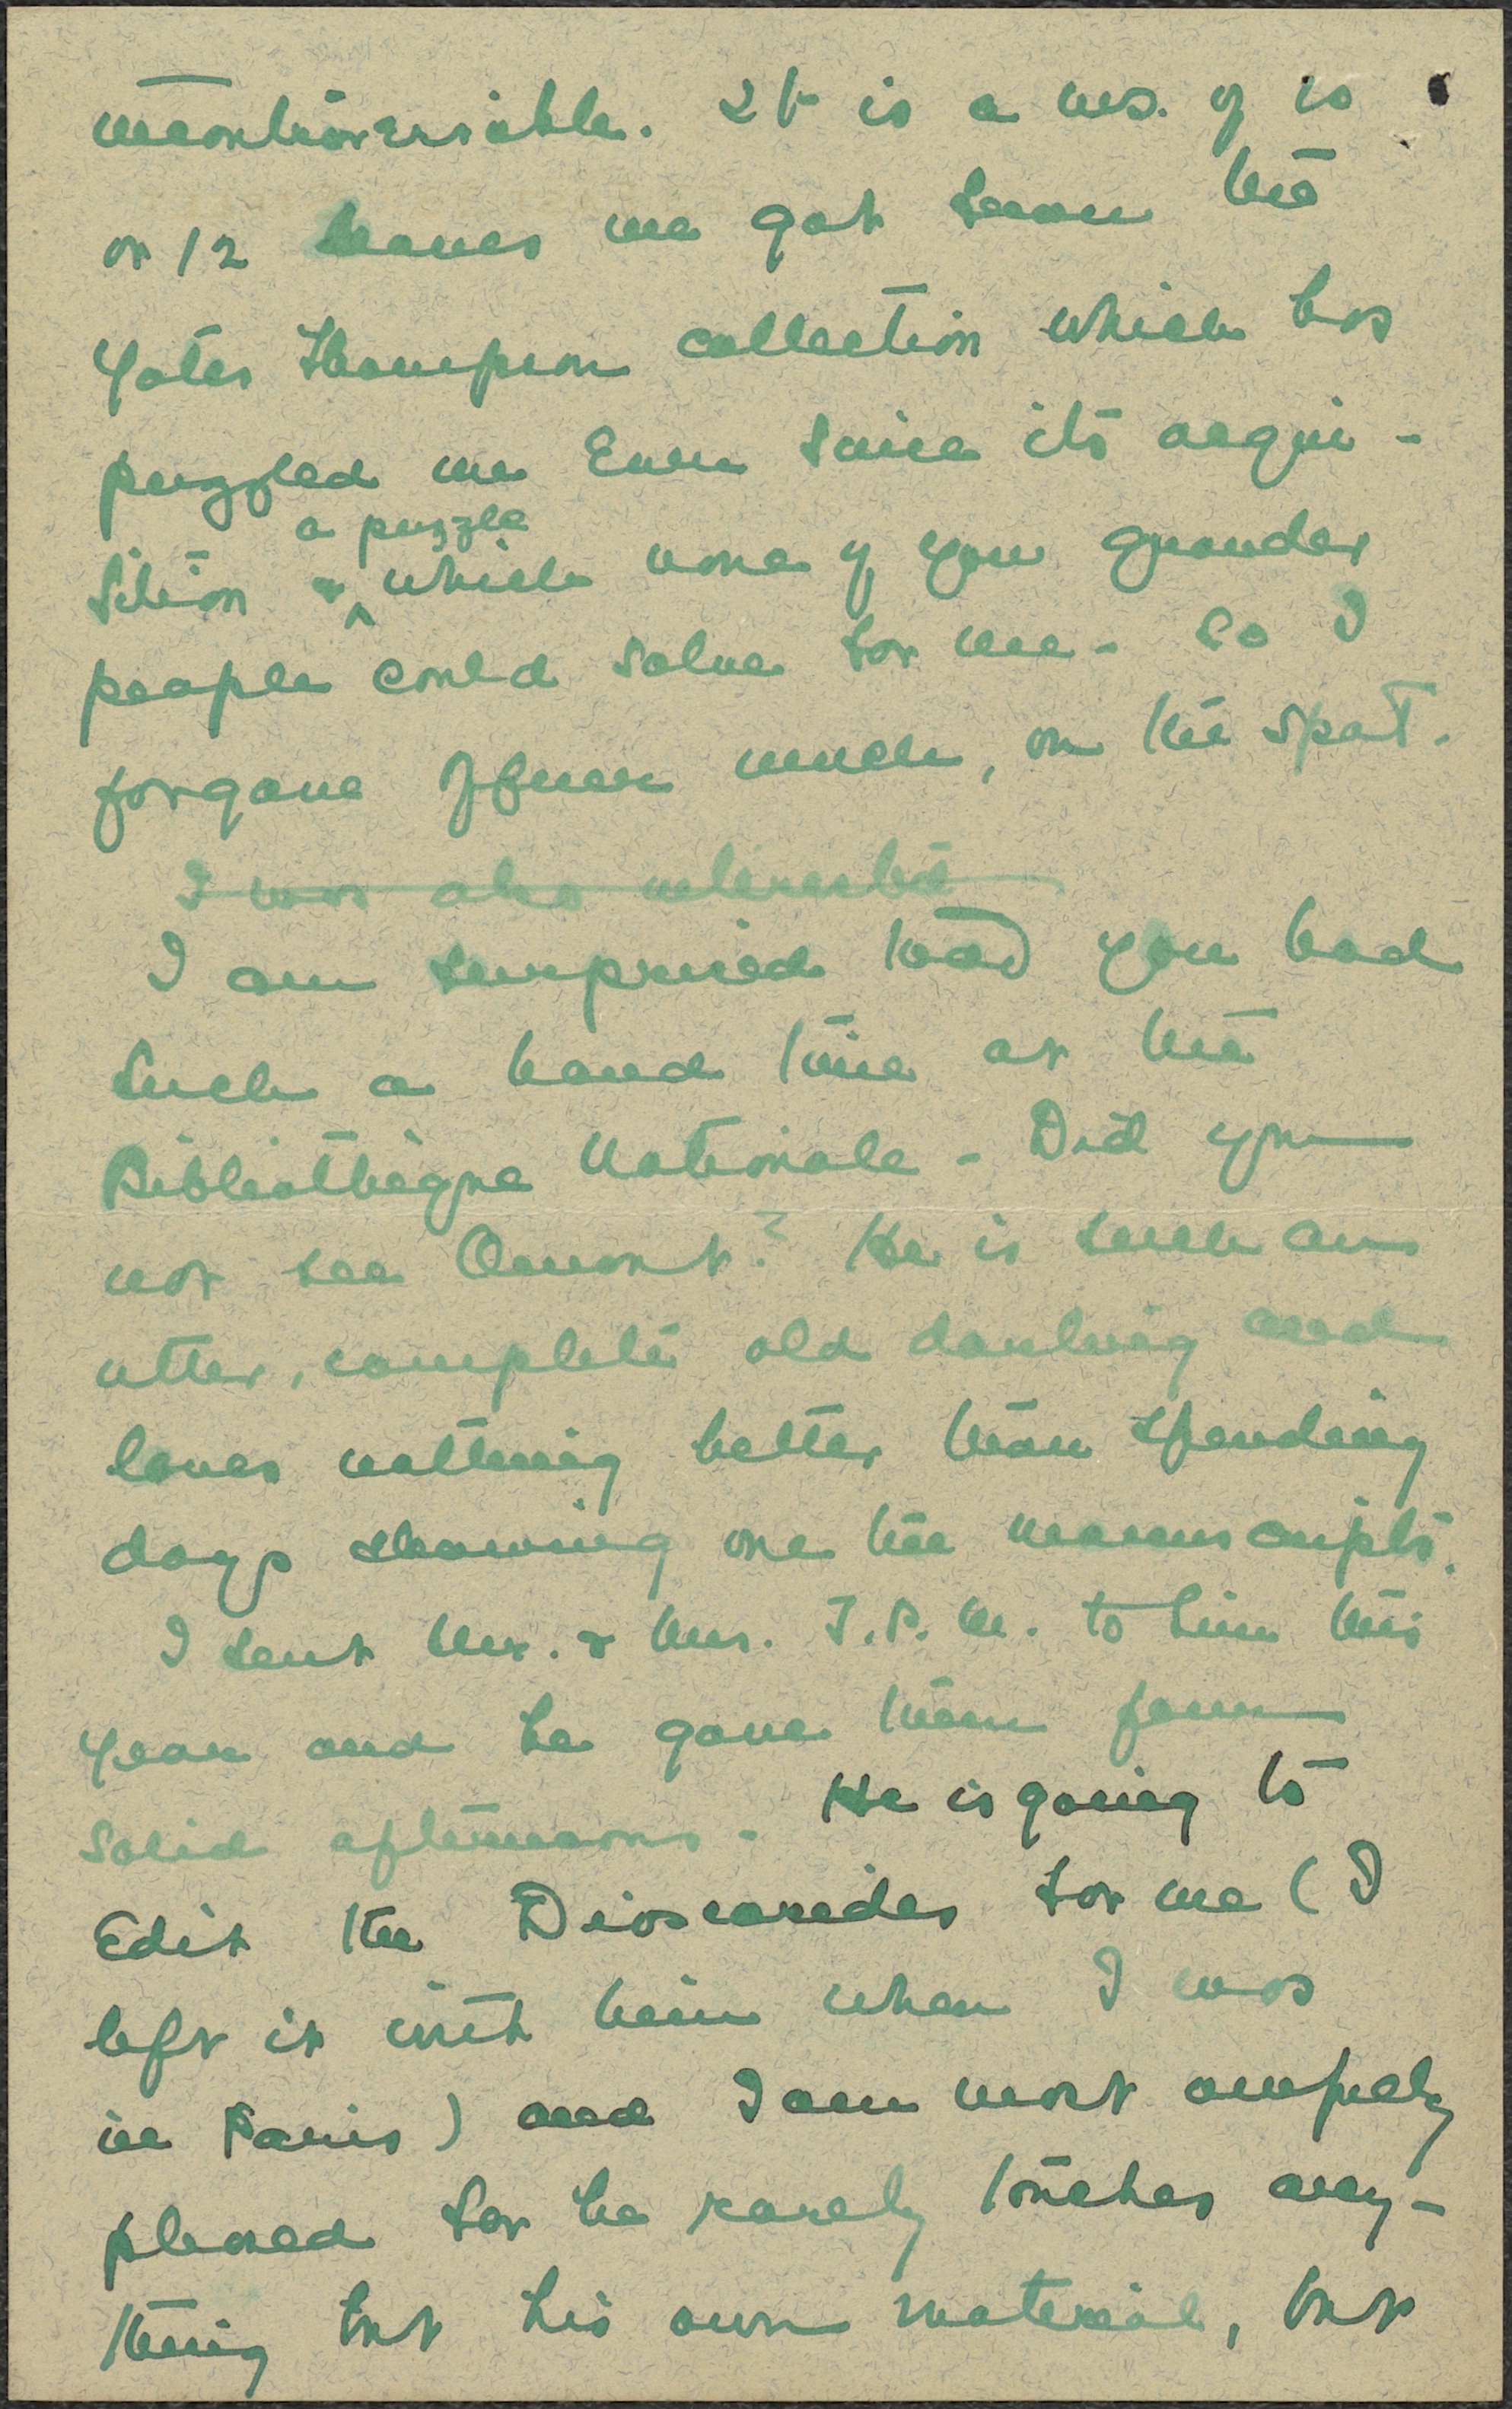uncontroversible. It is a ms. of 10 or 12 leaves we got from the Yates Thompson collection which has puzzled me ever since its acquisition & [^a puzzle^] which none of you grander people could solve for me – so I forgave Offner much on the spot.
I was also interested
I am surprised that you had such a hard time at the Bibliothèque Nationale – Did you not see Omont? He is such an utter, complete old darling and loves nothing better than spending days showing one the manuscripts.
I sent Mr. & Mrs. J.P.M. to him this year and he gave them four solid afternoons – He is going to edit the Dioscorides for me (I left it with him when I was in Paris) and I am most awfully pleased for he rarely touches anything but his own material, but